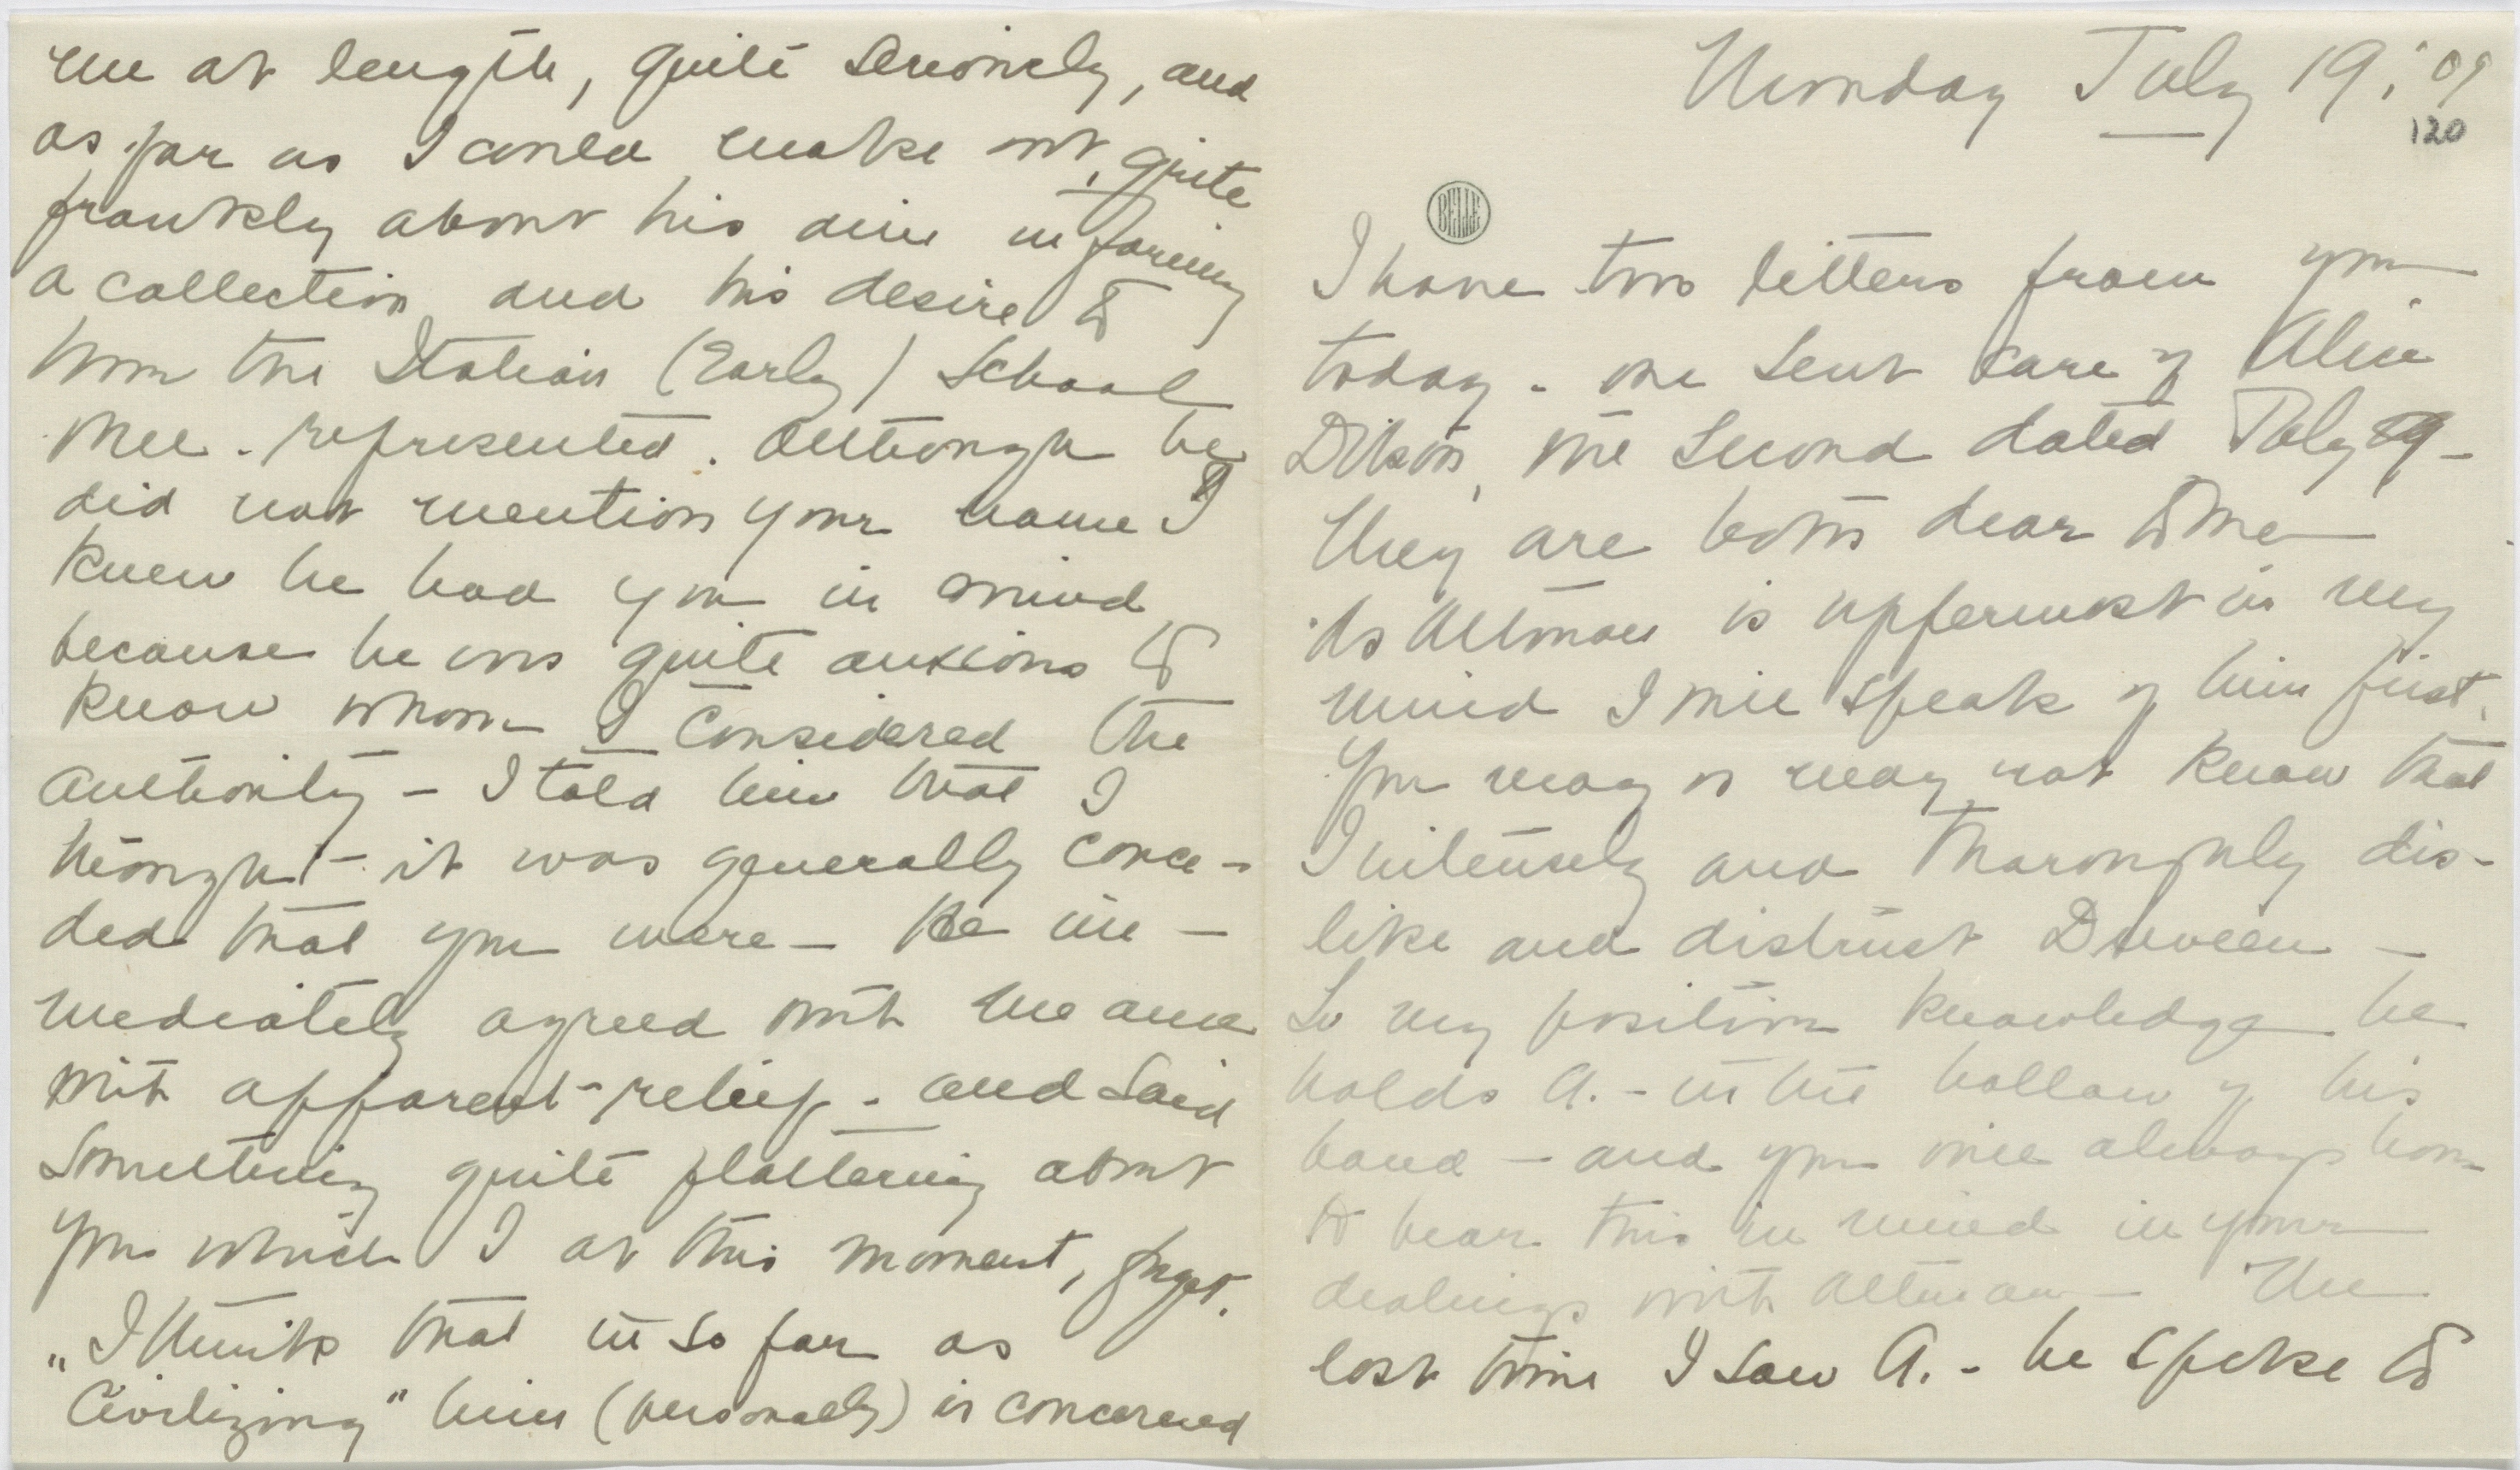Monday July 19
I have two letters from you today – one sent care of Alice Ditson, the second dated July 9 – They are both dear to me
As Altman is uppermost in my mind I will speak of him first. You may or may not know that I intensely and thoroughly dislike and distrust Duveen – To my positive knowledge he holds A. – in the hollow of his hand – and you will always have to bear this in mind in your dealings with Altman – The last time I saw A. – he spoke to
me at length, quite seriously, and as far as I could make out, quite frankly about his aim in forming a collection and his desire to have the Italian (Early) School well-represented. Although he did not mention your name I knew he had you in mind because he was quite anxious to know whom I considered the authority – I told him that I thought it was generally conceded that you were – He immediately agreed with me and with apparent relief – and said something quite flattering about you which I at this moment, forget. I think that in so far as “civilizing” him (personally) is concerned